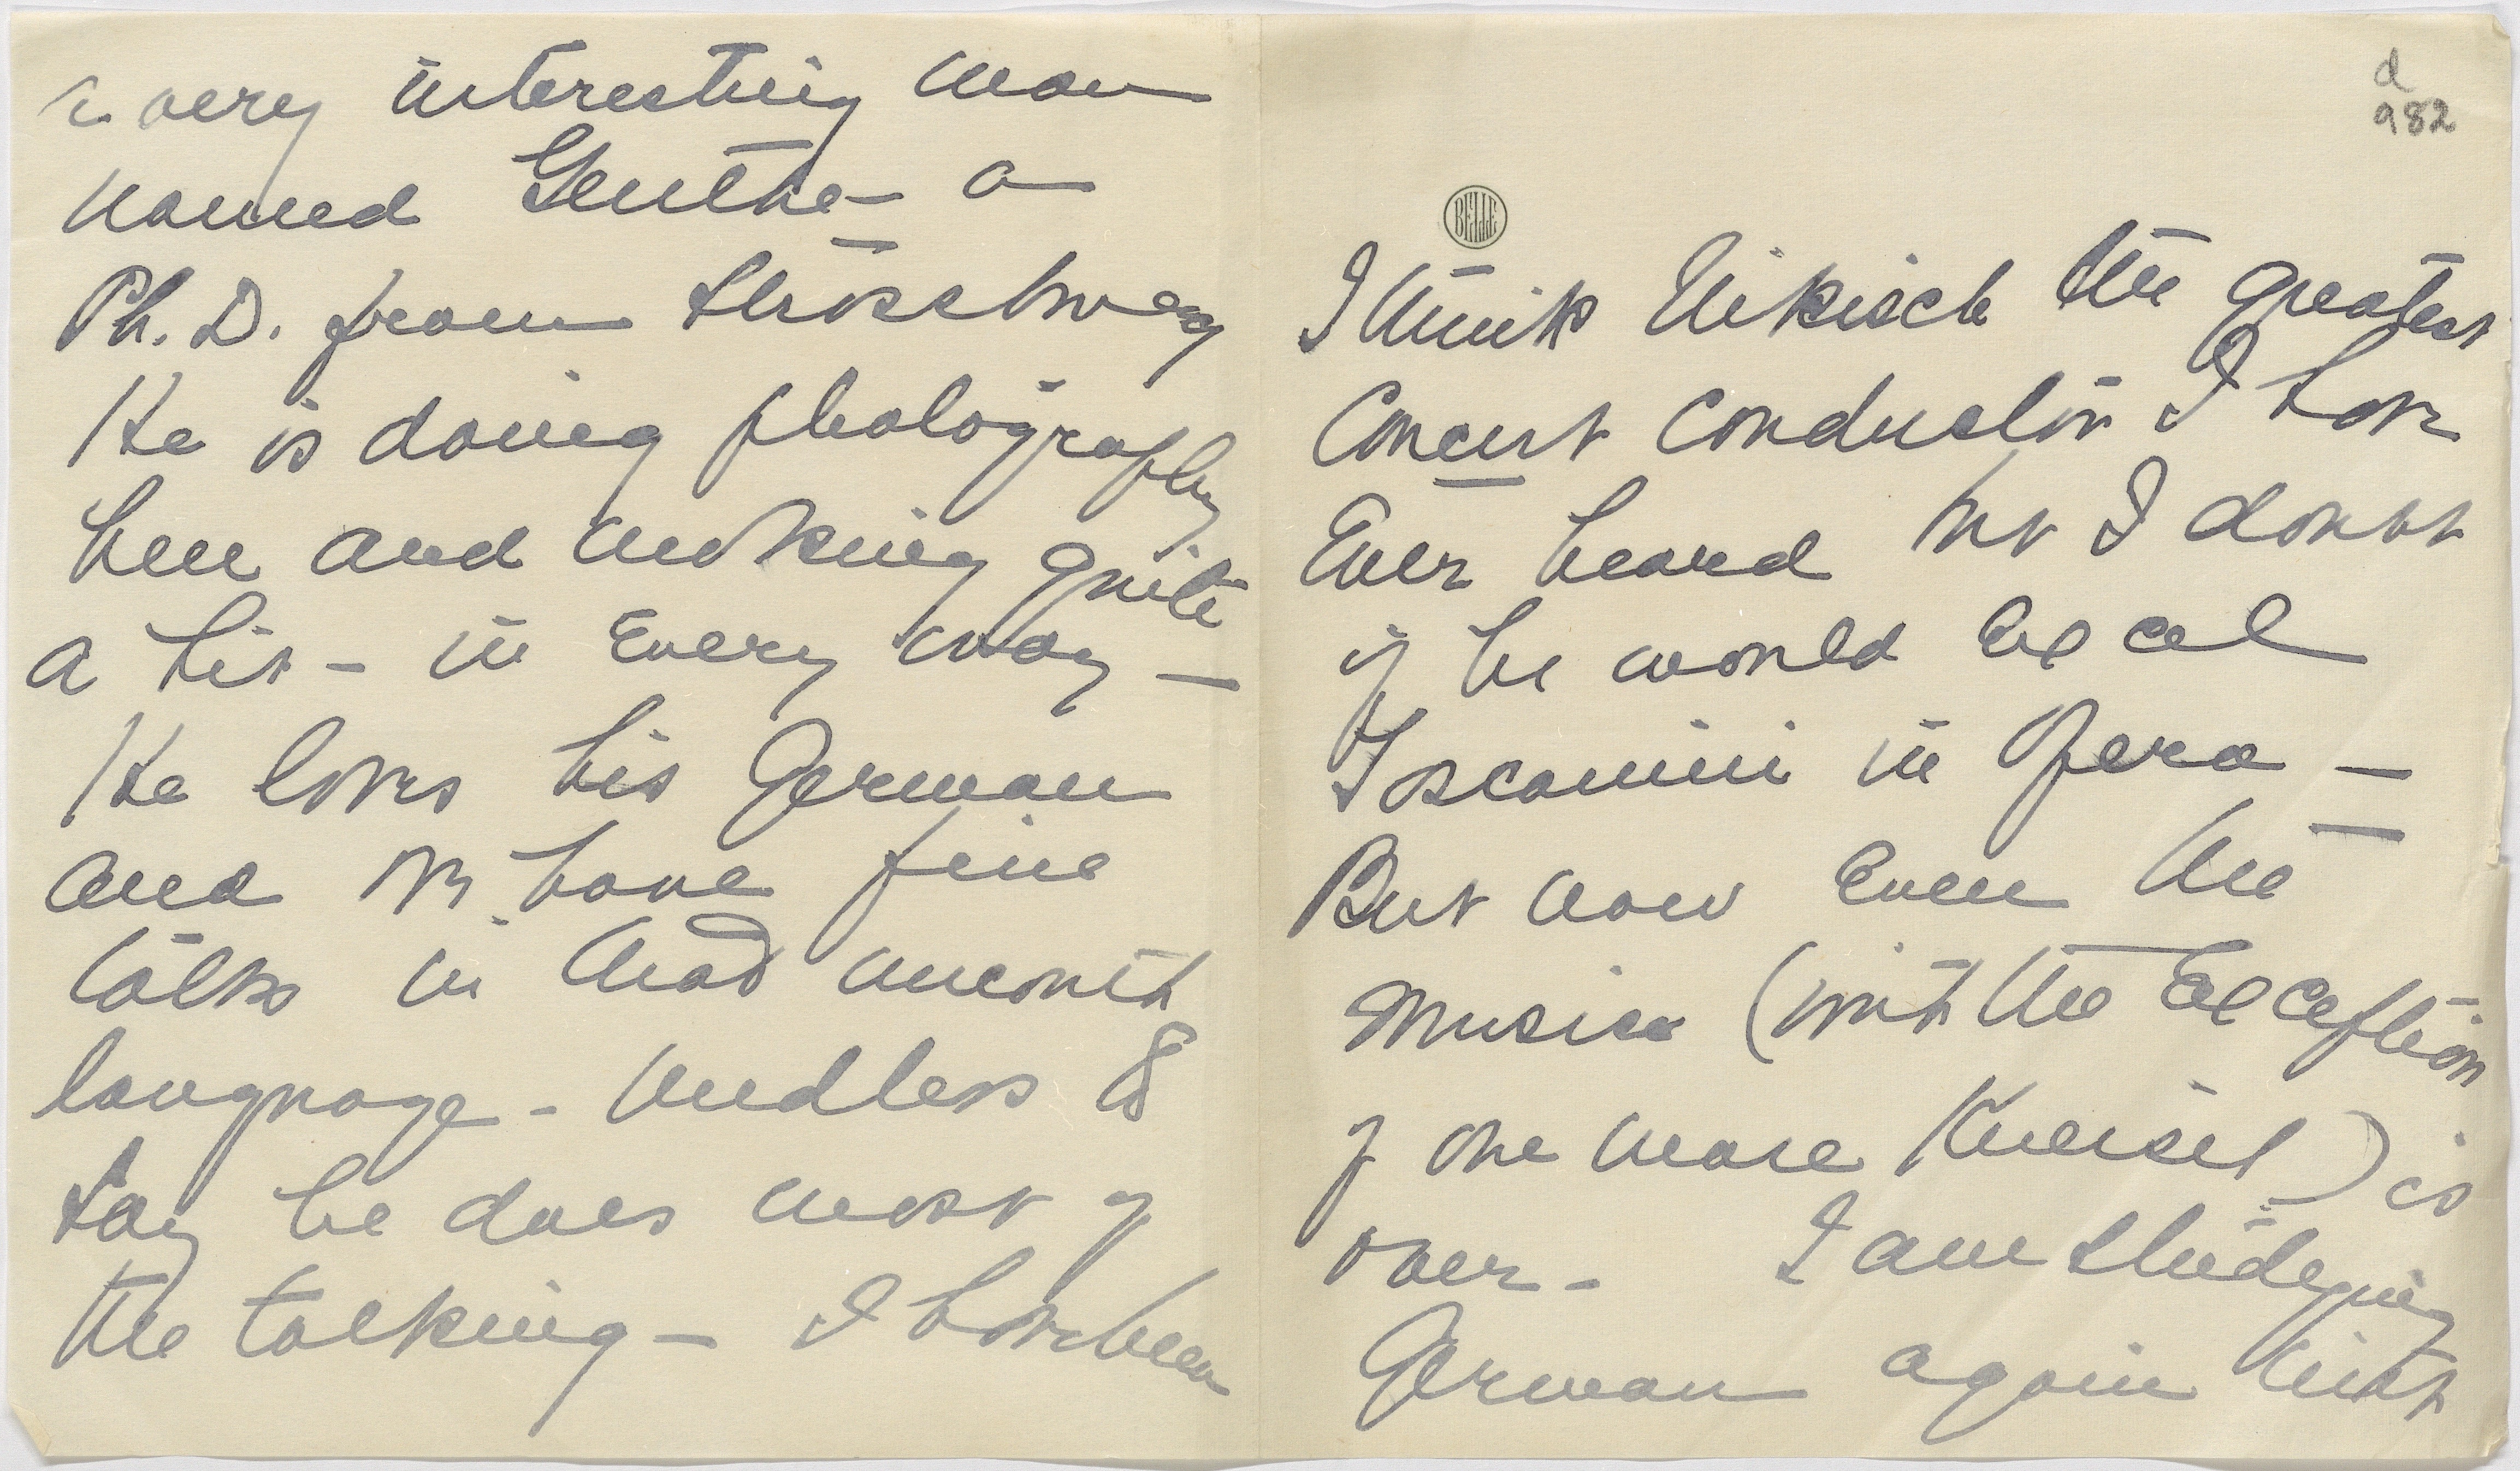I think Nikisch the greatest concert conductor I have ever heard but I doubt if he would excel Toscanini in Opera – But now even the music (with the exception of one more Kneisel) is over – I am studying German again with
a very interesting man named Genthe – a Ph.D. from Strassburg [sic]
He is doing photography here and making quite a hit – in every way –
He loves his German and we have fine talks in that uncouth language – needless to say he does most of the talking – I have been